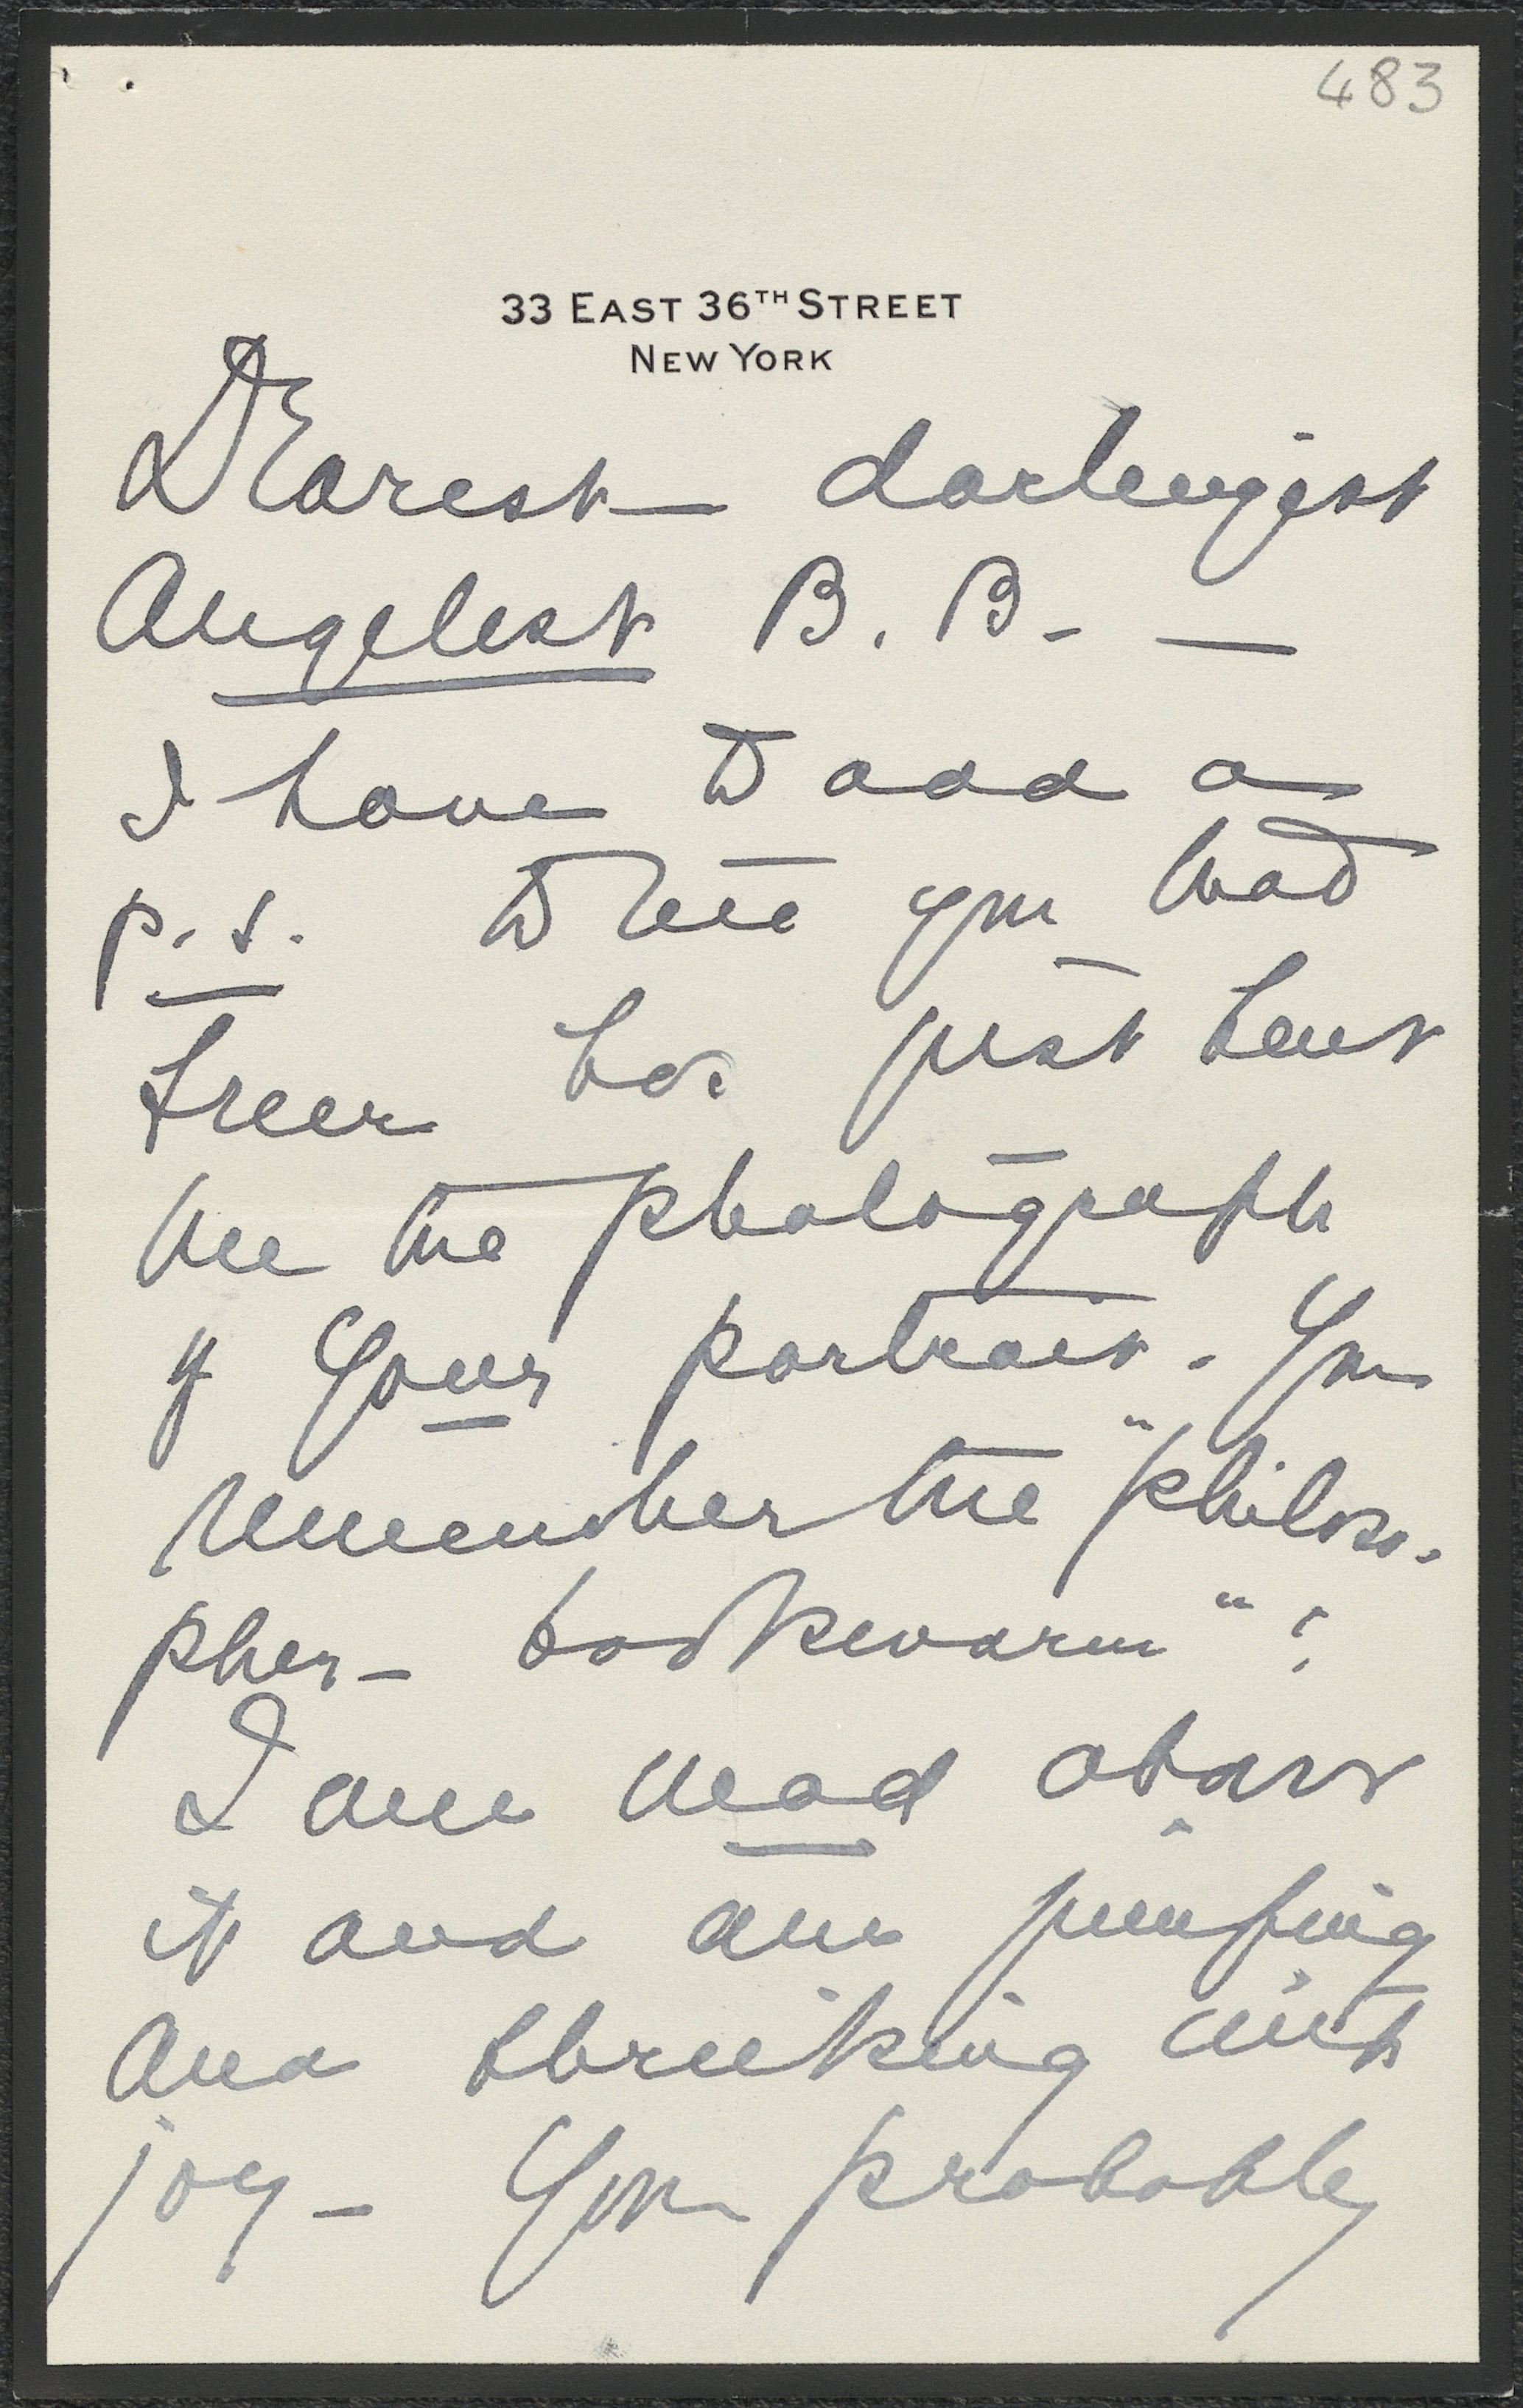Dearest – darlingest angelest B.B. – I have to add a p.s. to tell you that Freer has just left me the photograph of your portrait. You remember the “philosopher – bookworm”? I am mad about it and am jumping and shrieking with you – You probably